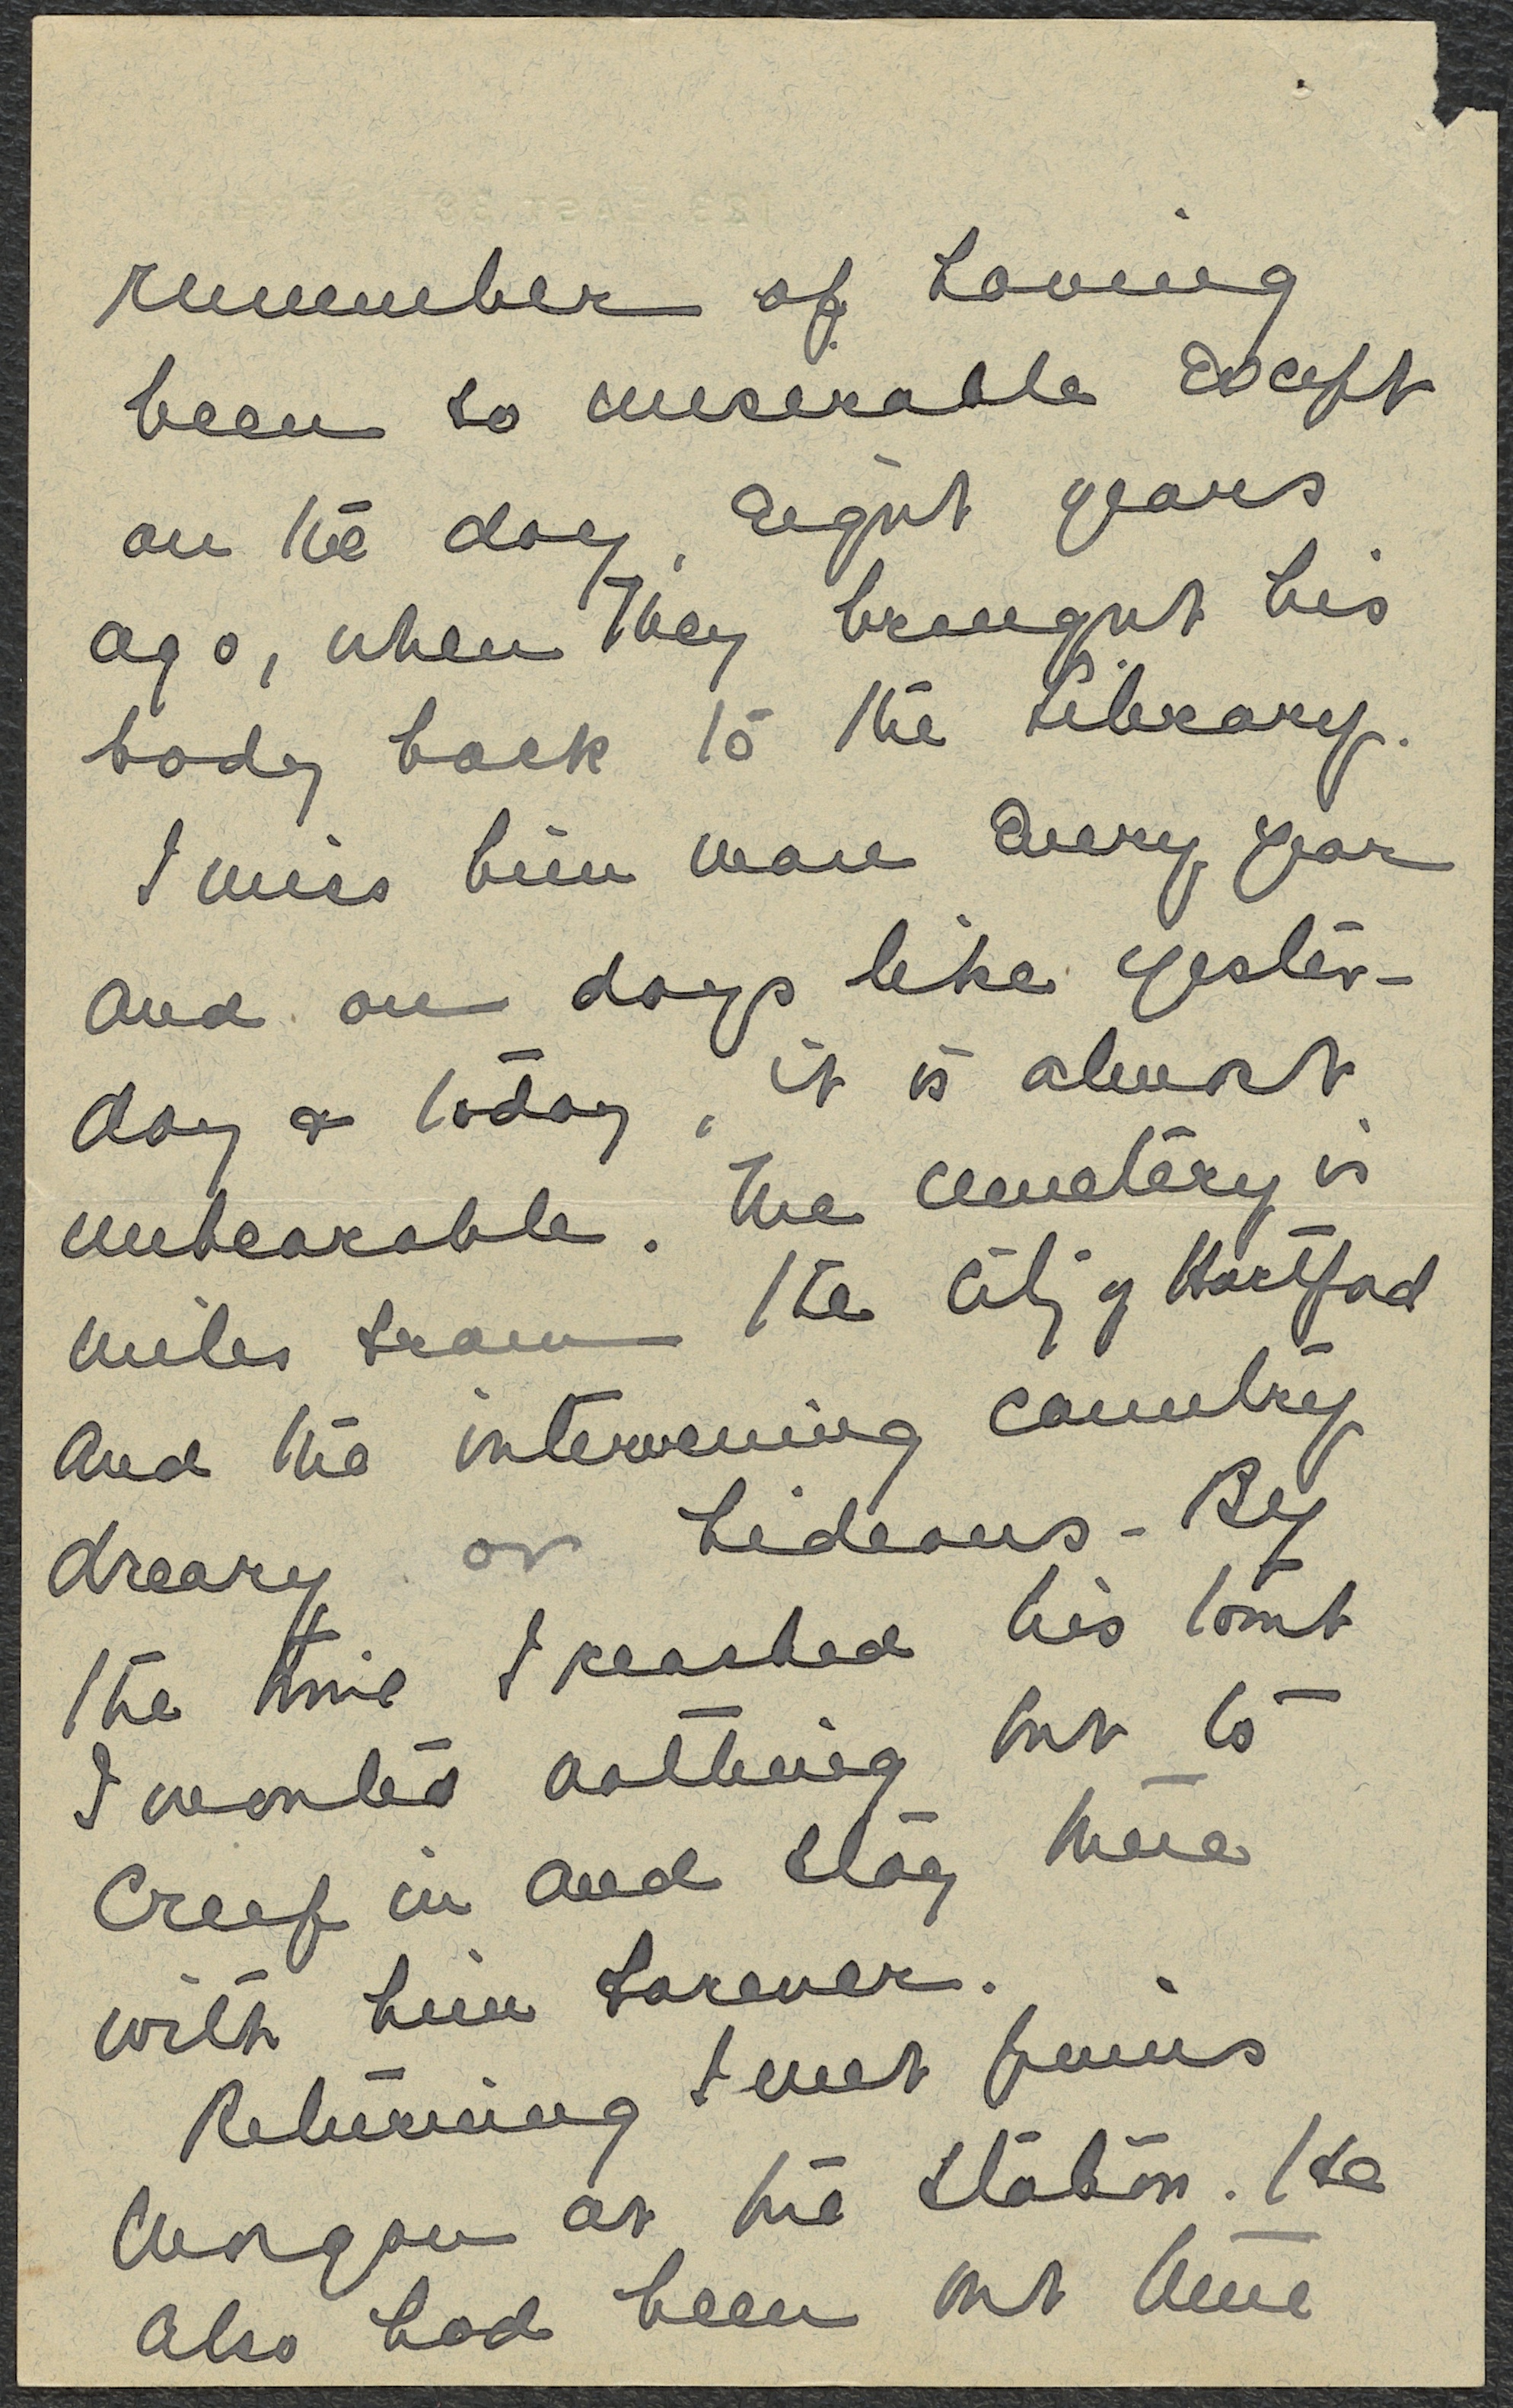remember of having been so miserable except on the day, eight years ago, when they brought his body back to the Library. I miss him more every year and on days like yesterday & today, it is almost unbearable. The cemetery is miles from the city of Hartford and the intervening country dreary or hideous – By the time I reached his tomb I wanted nothing but to creep in and stay there with him forever.
Returning I met Junius Morgan at the station. He also out been out there